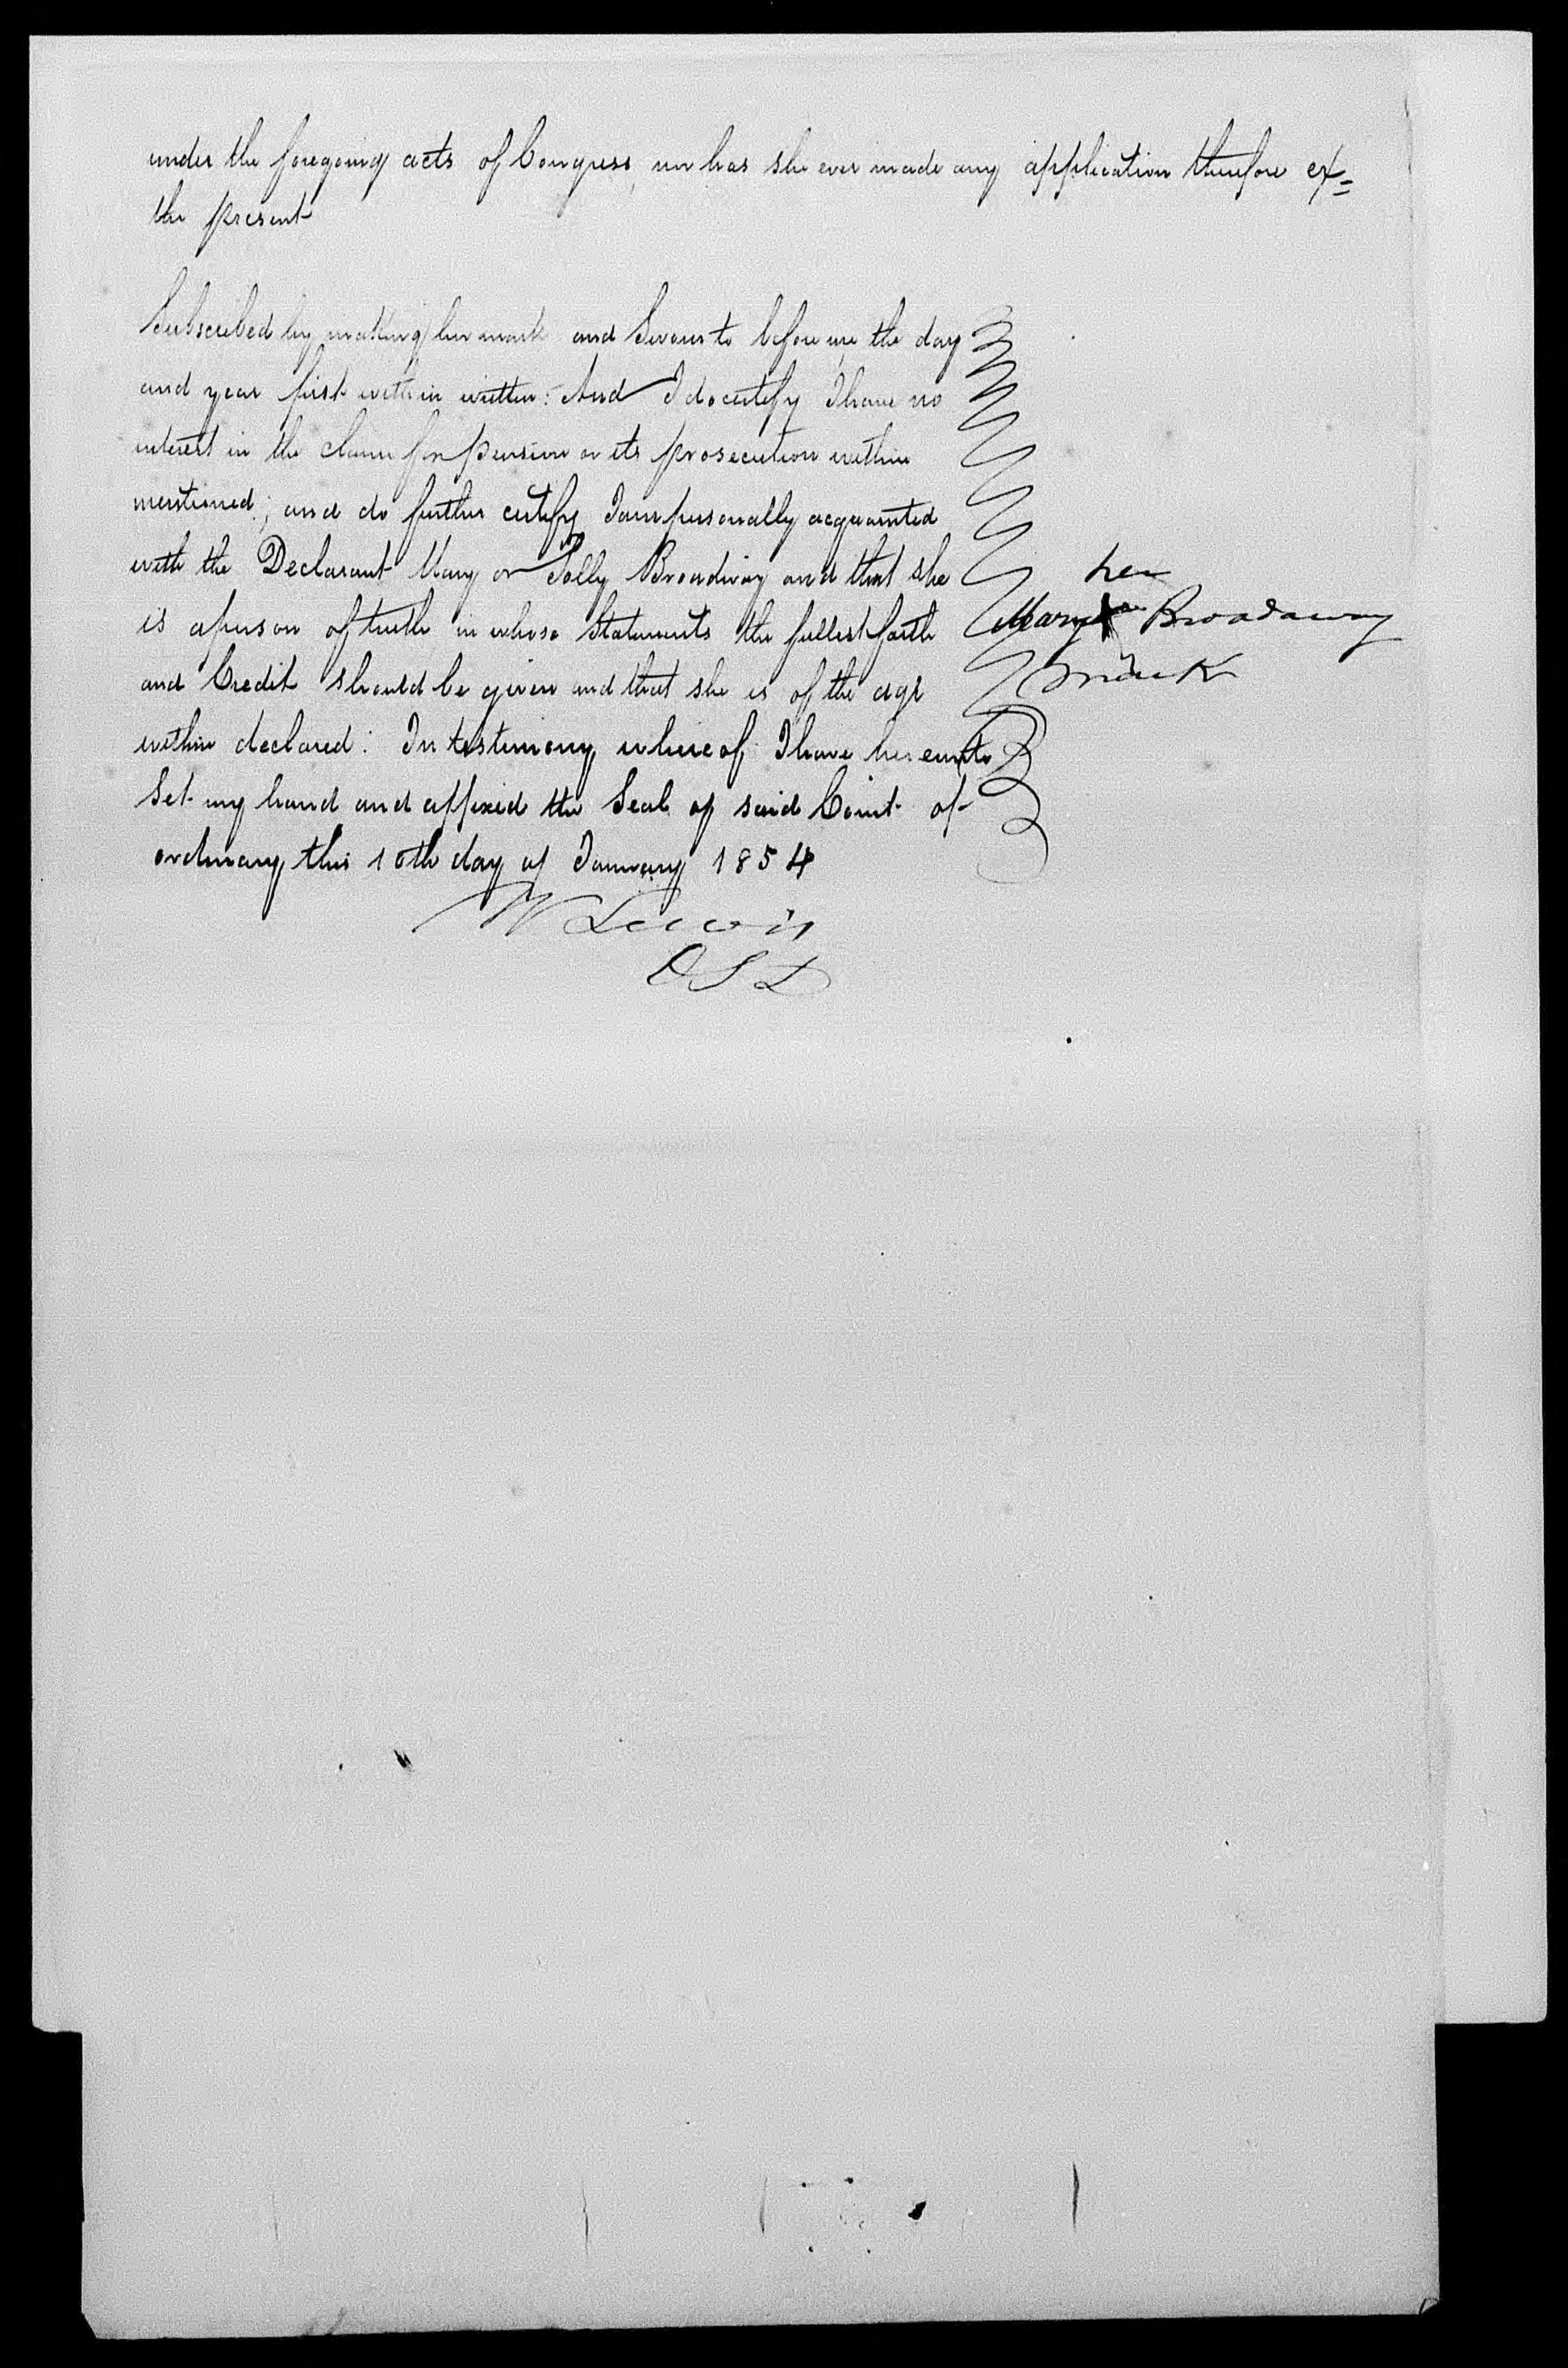under the foregoing acts of Congress, nor has she ever made any application therefore ex the present

Subscribed by making her mark and Sworn to before me the day
and year first within written. And I do certify that I have no
interest in the claim for pension or its prosecution within
mentioned; and do further certify I am personally acquainted
with the Declarant Mary or Polly Broadway and that she
is a person of truth in whose Statements the fullest faith
and Credit should be given and that she is of the age
within declared. 

In testimony whereof I have hereunto
set my hand and affixed the Seal of said Court of-
ordinary this 10th day of January 1854
W Lewis
D S D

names: Polly Broadway, Mary Broadway, W Lewis, Mary Broadway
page: 5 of 98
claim: widow's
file: W. 8398, William Broadway, S.C.